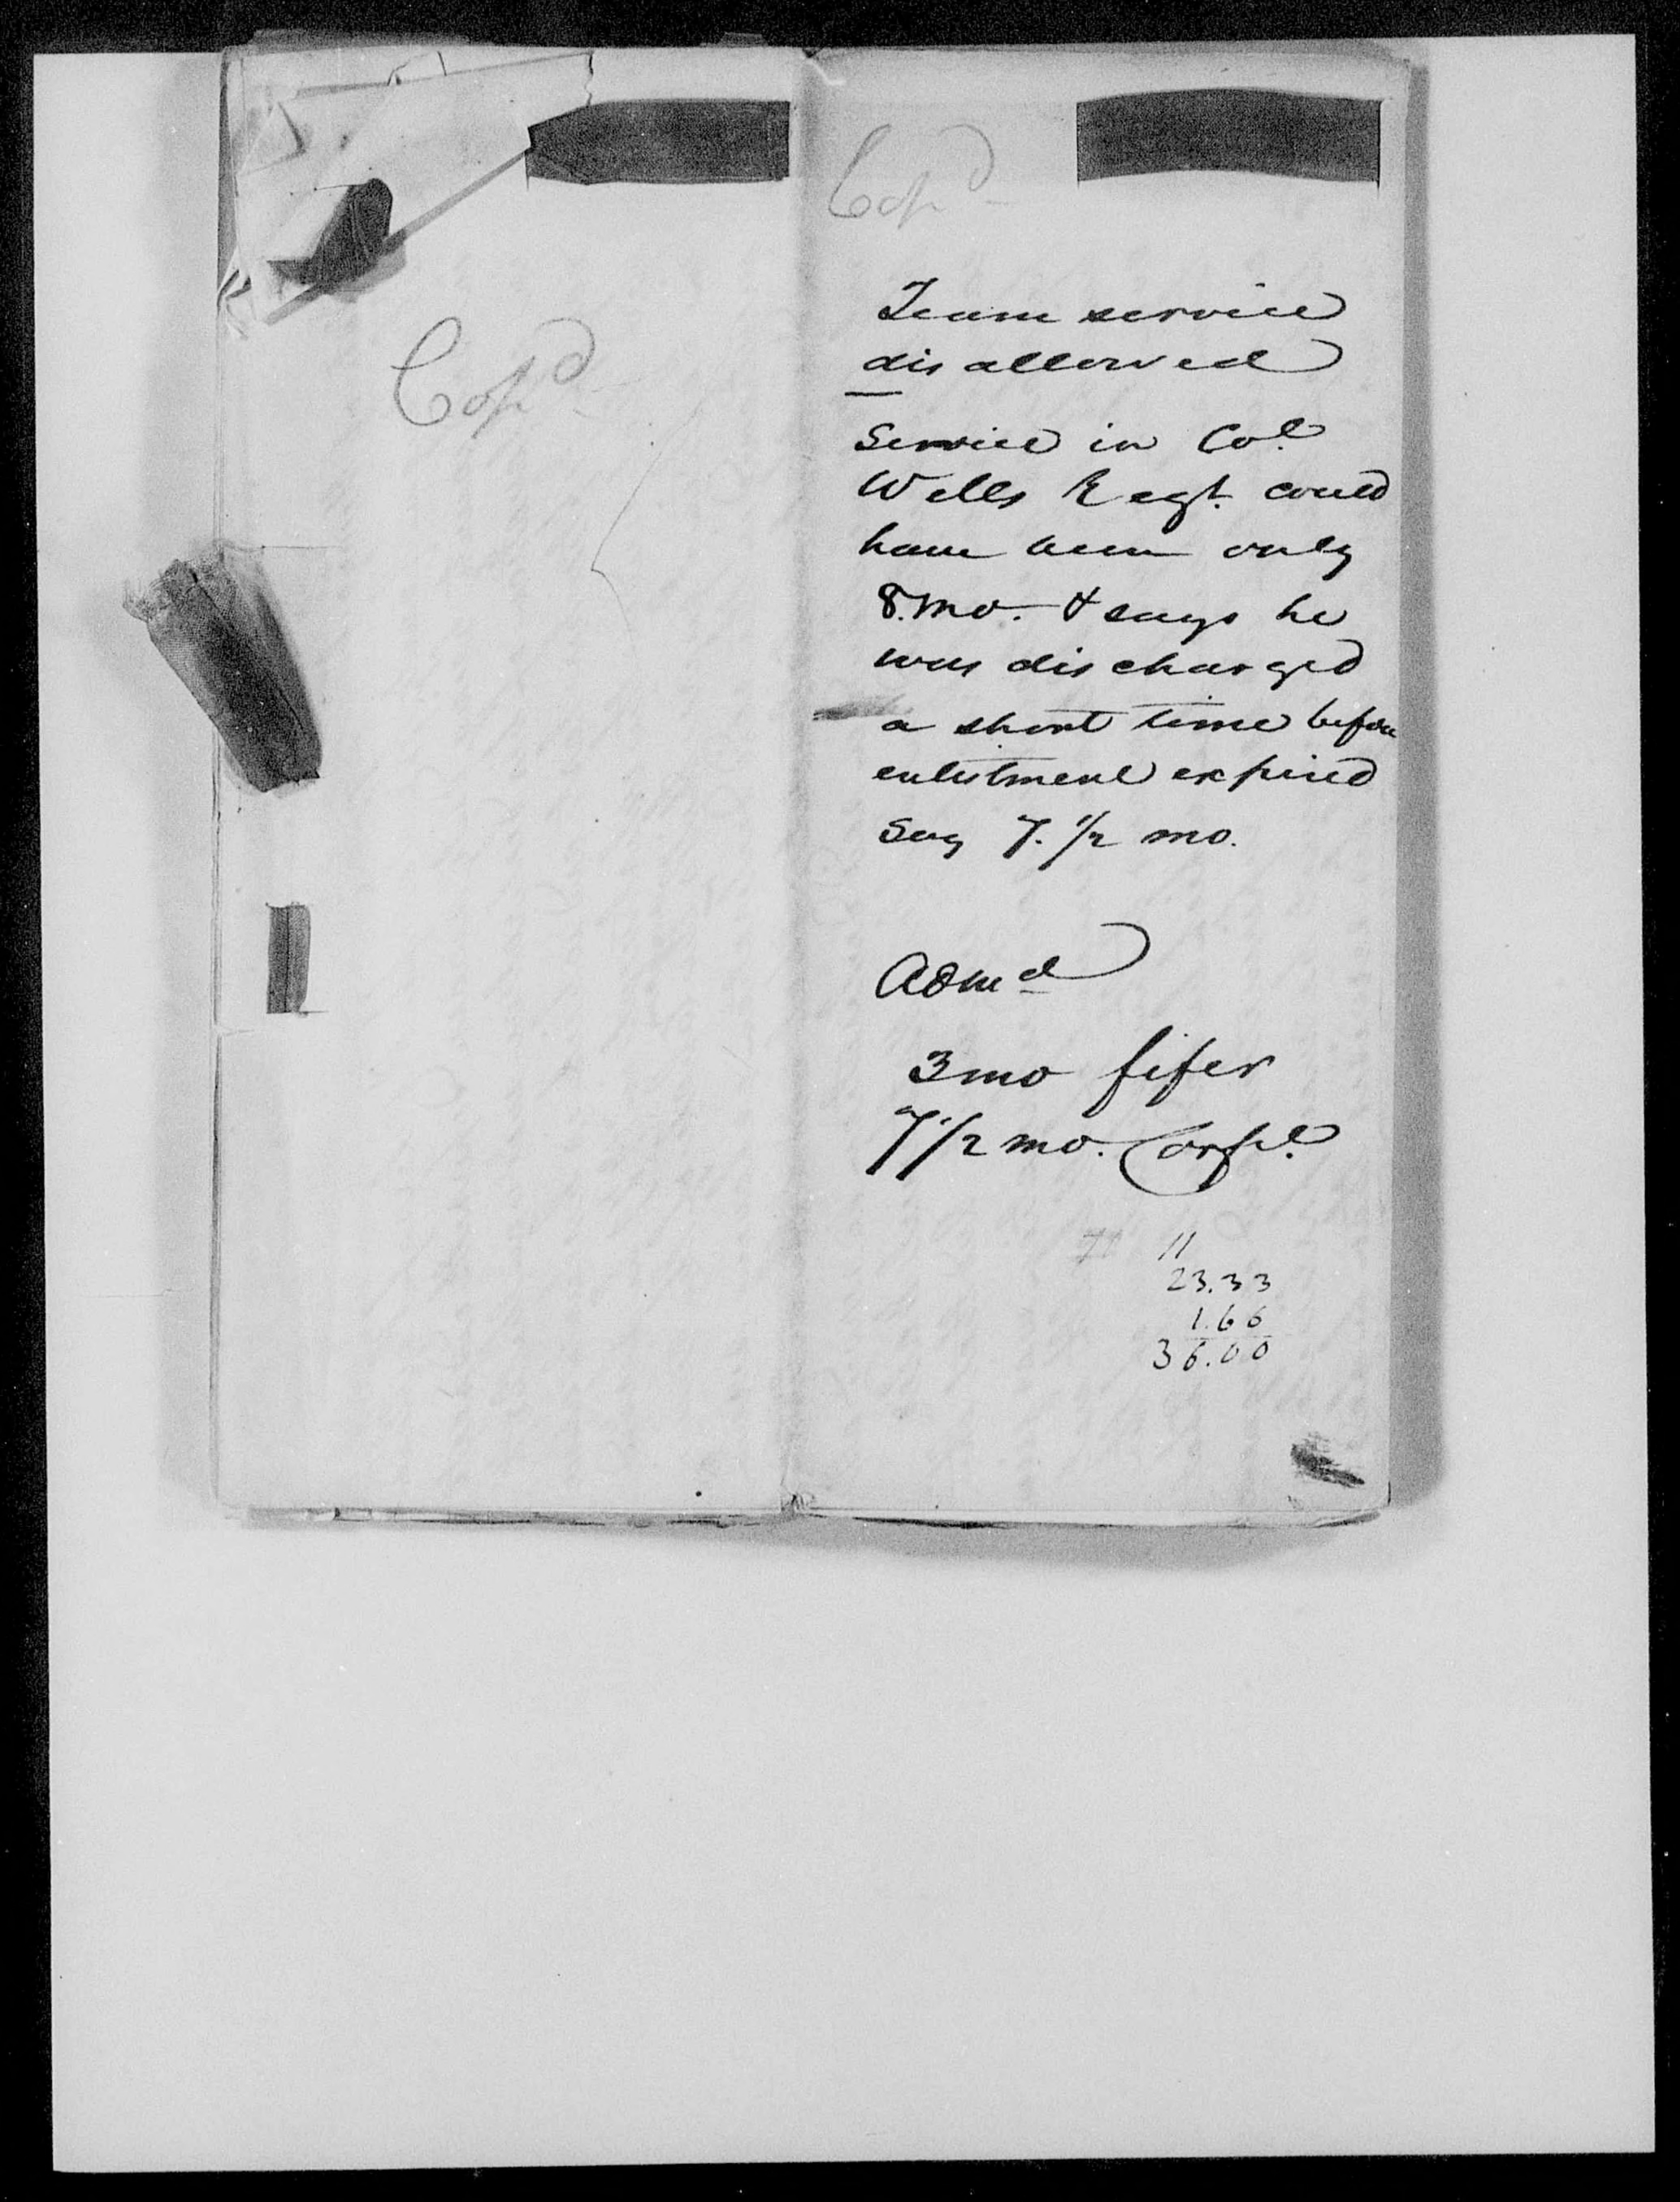Cop’d 
Cop’d  
Team service disallowed  
Service in Col Wells Regt could have been only 8 Mo.  & says he was discharged a short time before enlistment expired say 7 ½ mo 
Admd.
3 mo fifer 
7 ½ mo Corpl.   
11 
23.33 
1.66 
36.00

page: 9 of 73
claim: widow's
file: W. 2338, for Joseph P Peters, Connecticut